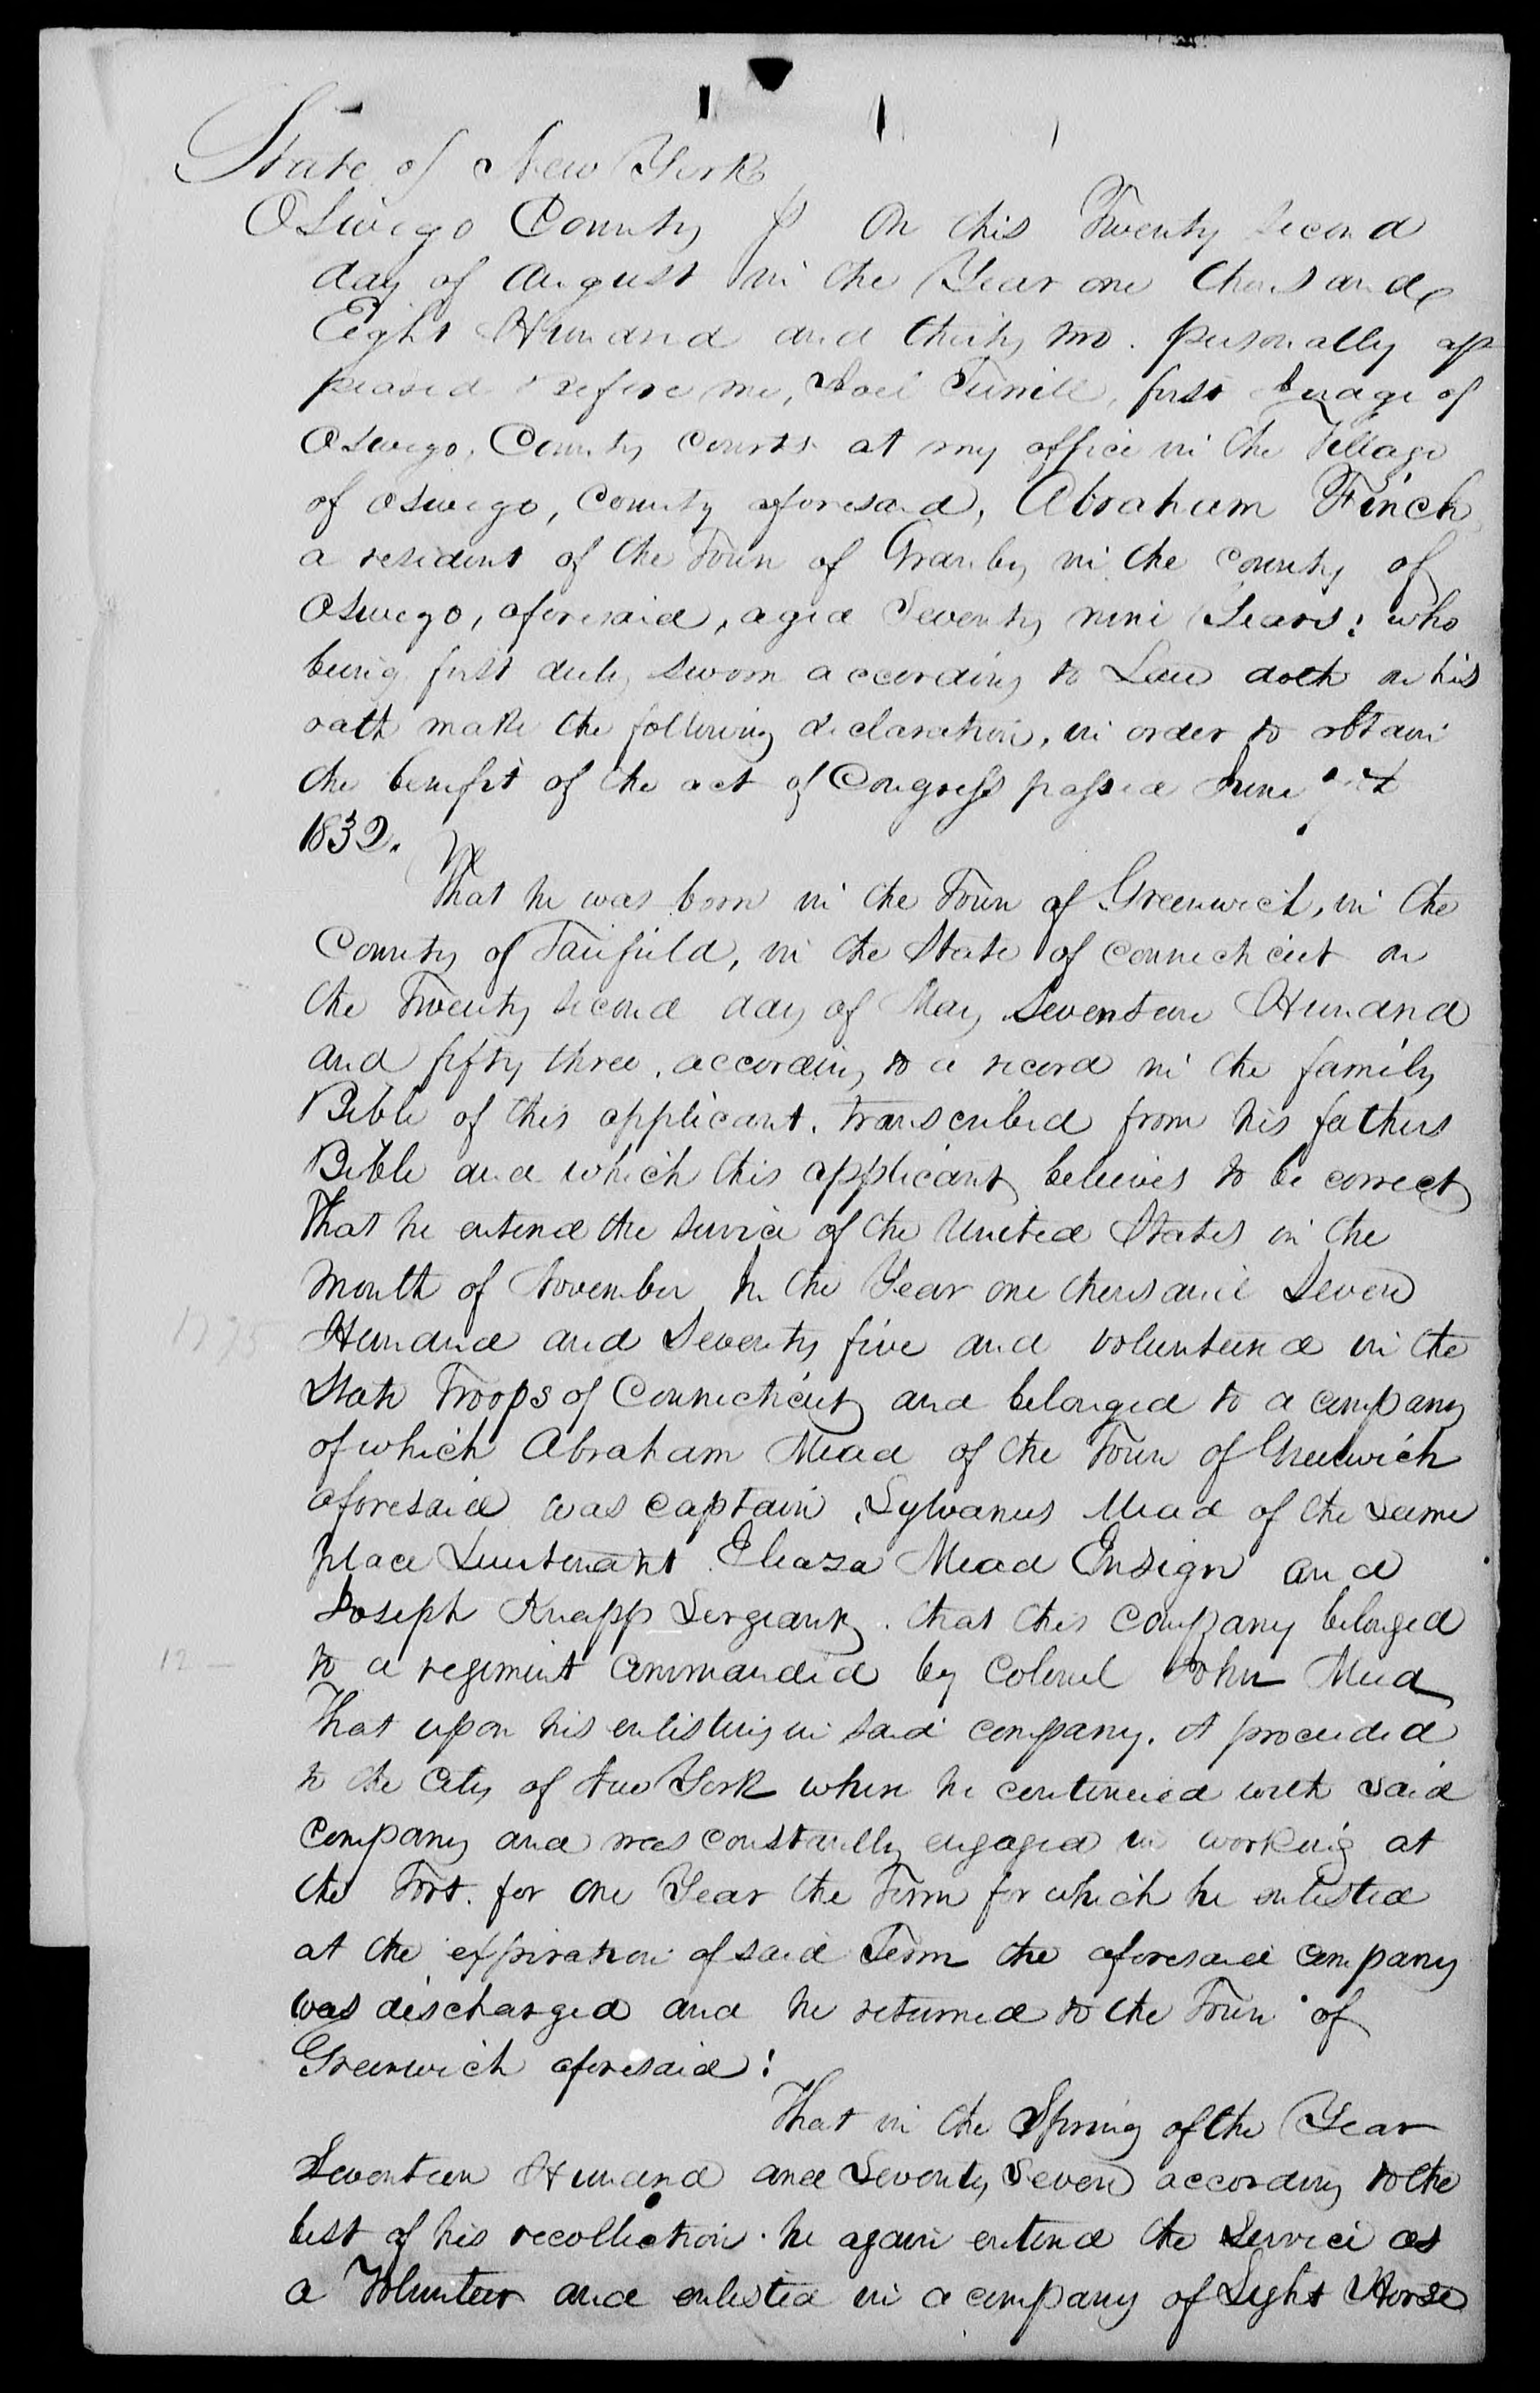State of New York
Oswego County ss On this Twenty second
day of August in the year one thousand
Eight Hundred and thirty two personally appeared before me, Joel Turrill, first Judge of
Oswego County Court at my office in the Village
of Oswego, County aforesaid, Abraham Finch
a resident of the Town of Granby in the County of
Oswego, aforesaid, aged Seventy nine years, who
being first duly sworn according to Law doth on his
oath make the following declaration, in order to obtain
the benefit of the act of Congress passed June 7th 1832.
That he was born in the Town of Greenwich, in the
County of Fairfield, in the State of Connecticut on
the Twenty second day of May Seventeen Hundred
and fifty three, according to a record in the family
Bible of this applicant, transcribed from his fathers
Bible and which this applicant believes to be correct
that he entered the service of the United States in the
month of November in the year one thousand Seven
Hundred and Seventy five and volunteered in the
State Troops of Connecticut and belonged to a company
of which Abraham Mead of the Town of Greenwich
aforesaid was Captain, Sylvanus Mead of the same
place Lieutenant Eleaza Mead Ensign and
Joseph Knapp Sergeant that this company belonged
to a regiment commanded by Colonel John Mud
That upon his enlisting in said company, it proceeded
to the City of New York where he continued with said
Company and was constantly engaged in working at
the Fort for one year the Term for which he enlisted
at the expiration of said Term the aforesaid company
was discharged and he returned to the Town of
Greenwich aforesaid:
That in the Spring of the year Seventeen Hundred and Seventy seven according to the best of his recollection he again entered the service as a volunteer and enlisted in a company of Light Horse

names: John Meed, Joseph Knapp, Sylvanus Mead, Joel Turrill, Eleaza Mead, Abraham Mead, Abraham Finch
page: 4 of 35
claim: survivor's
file: S. 28727, Abraham Finch, Conn.